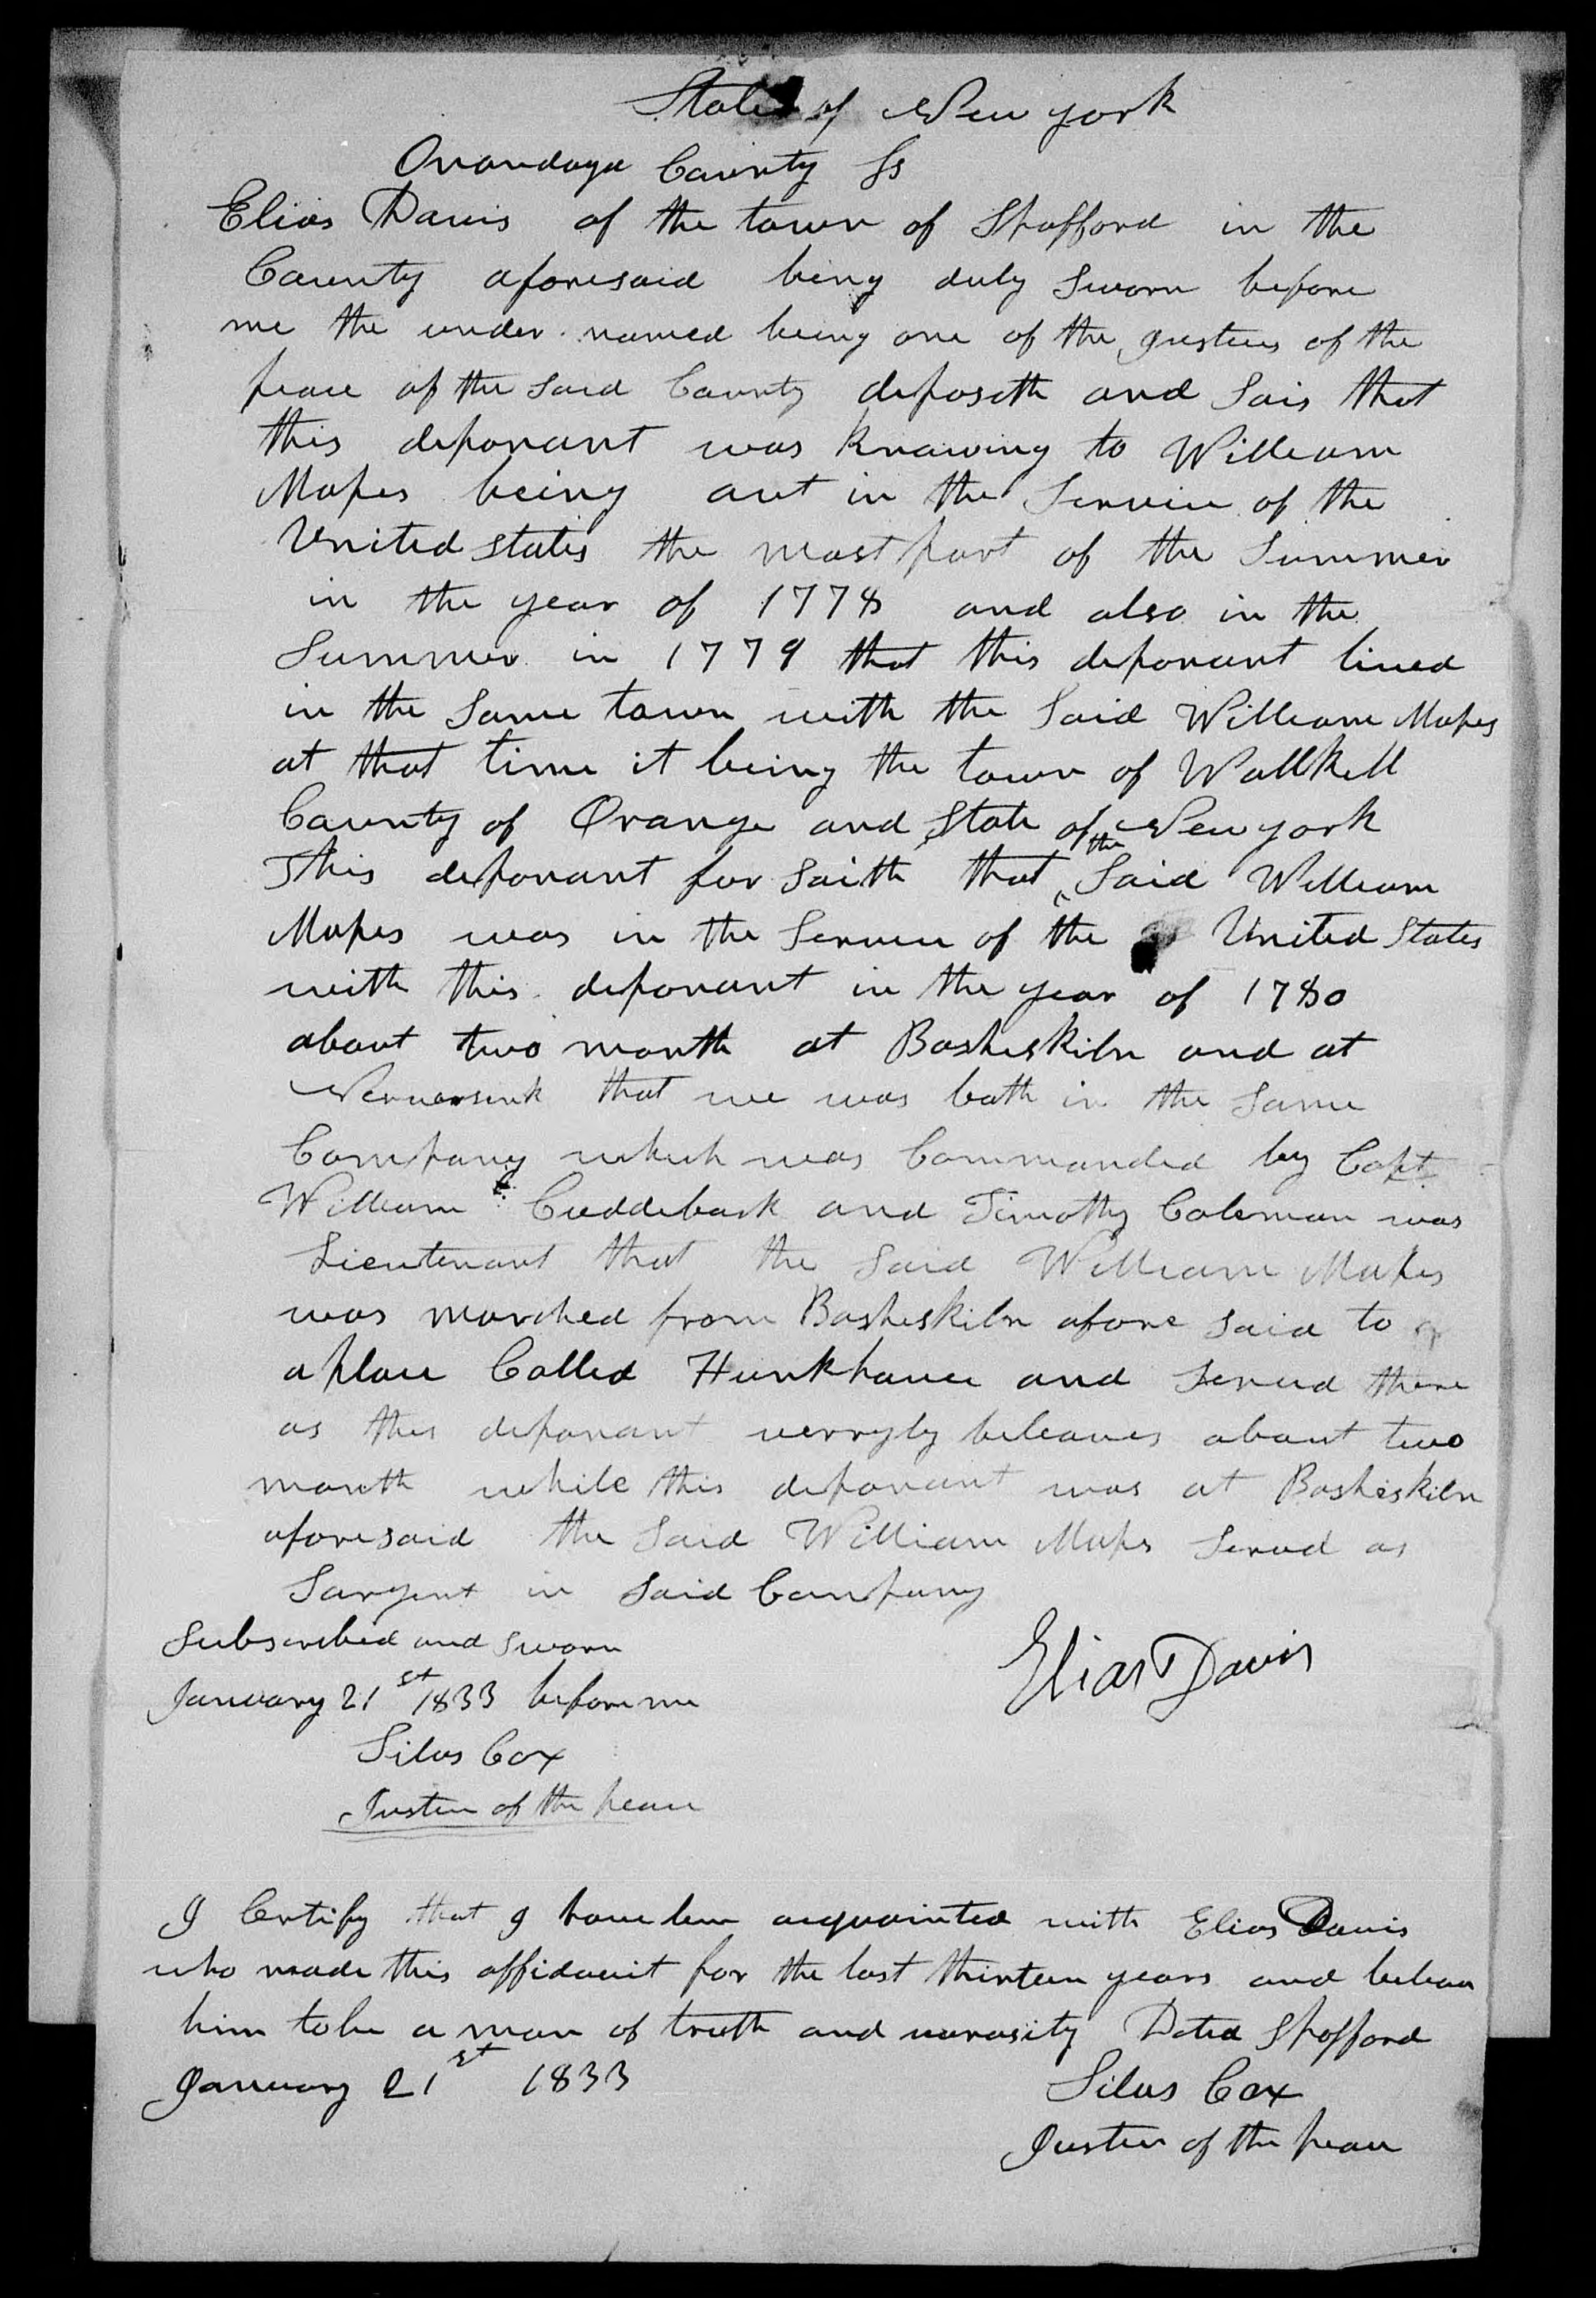State of New York 
Onondaga County ss 

Elias Davis of the town of Stafford in the County aforesaid being duly sworn before me the under named being one of the Justices of the peace of the said County deposeth and sais that this deponant was knowing to William Mapes being out in the Service of the United States the most part of the summer in the year of 1778, and also in the Summer in 1779 that this deponent lived in the same town with the said William Mapes at that time it being the town of Wallkill County of Orange and State of New York 
This deponent for saith that the said William Mapes was in the service of the United States with this deponent in the year of 1780 about two month at [Bashiskiln?]  and at [Ne***sink] that we was both in the same Company which was commanded by Capt William Cuddeback and Timothy Coleman was Lieutenant that the said William Mapes was marched from Bashiskiln afore said to a place Called Hunkhance[?] and served there as this deponent veryly believes about two month while this deponant was at Bashiskiln aforesaid 
the said William Maps served as Sargent in said Company 
Elias Davis

Subscribed and sworn 
January 21st 1833 before me  
Silas Cox 
Justice of the peace 

I certify that I have been acquainted with Elias Davis who made this affidavit for the last thirteen years and believe him to be a man of truth and verasity it January 21 1833 
Dated Stafford  January 21, 1833

Silus Cox 
Justice of the peace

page: 6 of 30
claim: survivor's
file: S. 13,873, for William Mapes, New York